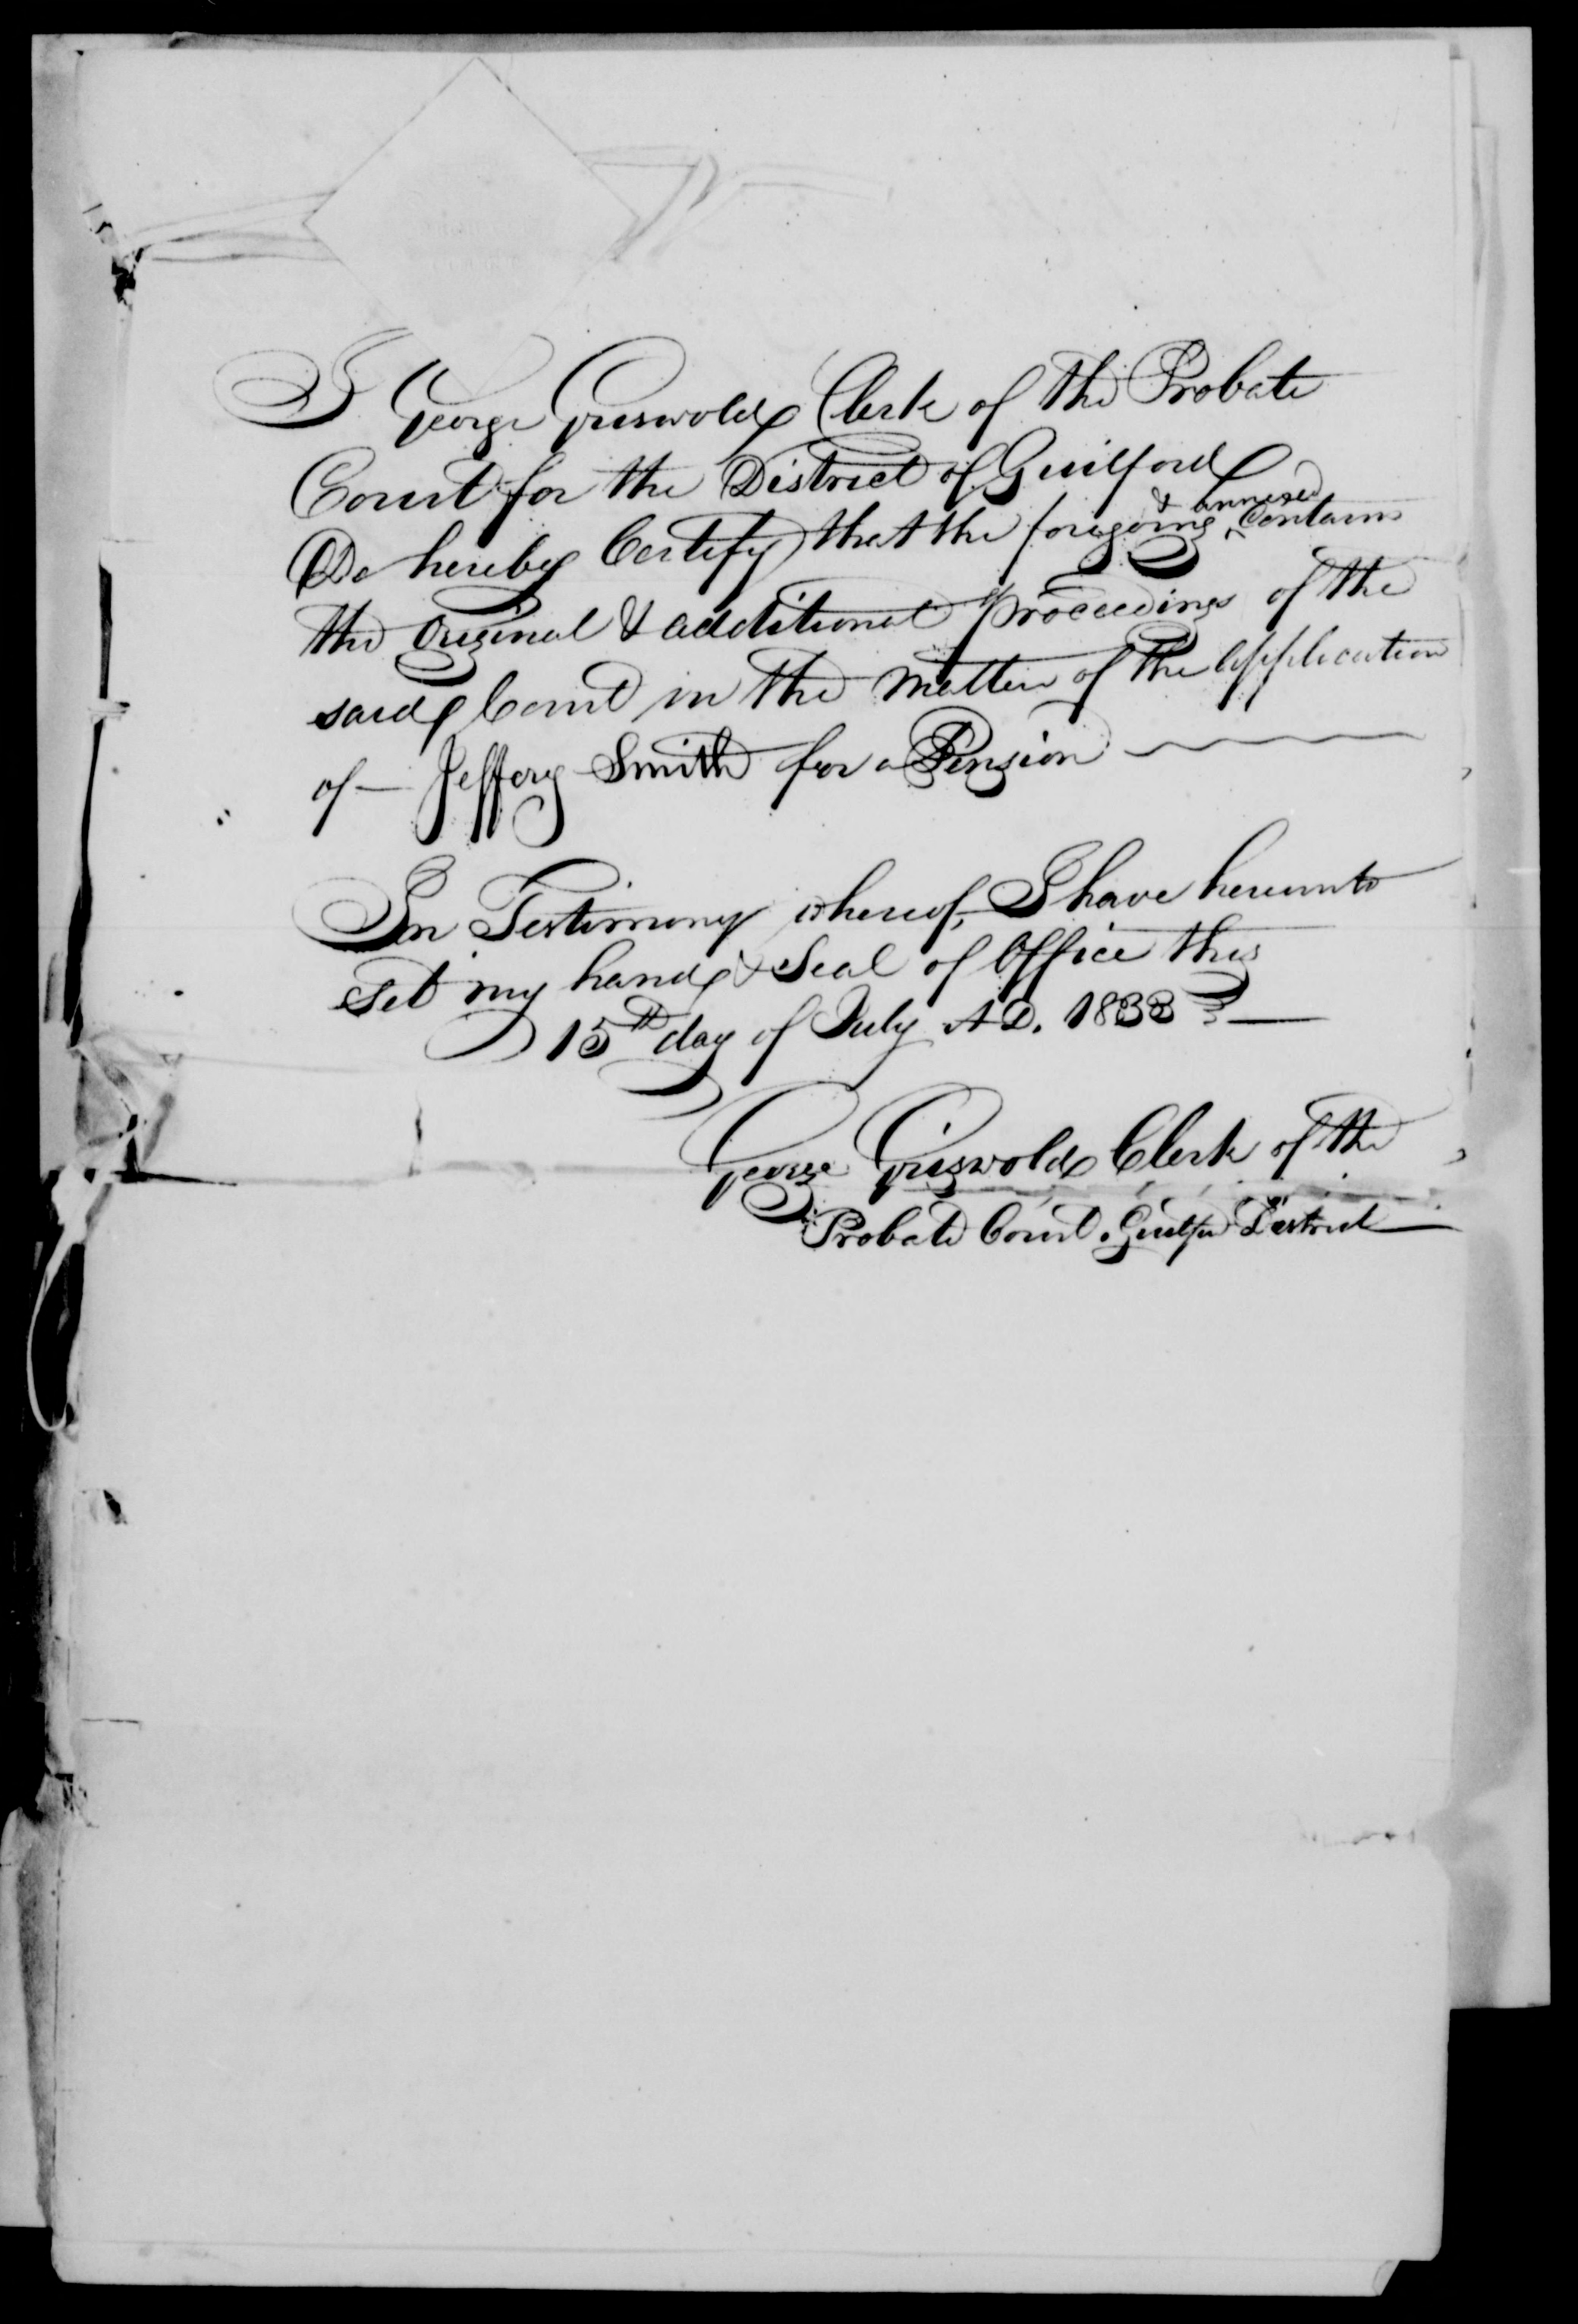I George Griswold Clerk of the Probate
Court for the District of Guilford
Do hereby certify that the foregoing annex contains
the original & additional proceedings of the ┃
said Court in the matter of the application
of Jeffery Smith for a Pension-

In Testimony whereof, I have hereunto
set my hand & Seal of Office this ┃
15th day of July A.D. 1838-
George Griswold Clerk of the
Probate Court, Guilford Street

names: Jeffery Smith; George Griswold; George Griswold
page: 13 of 19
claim: survivor's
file: S. 16250, for Jeffery Smith, Connecticut